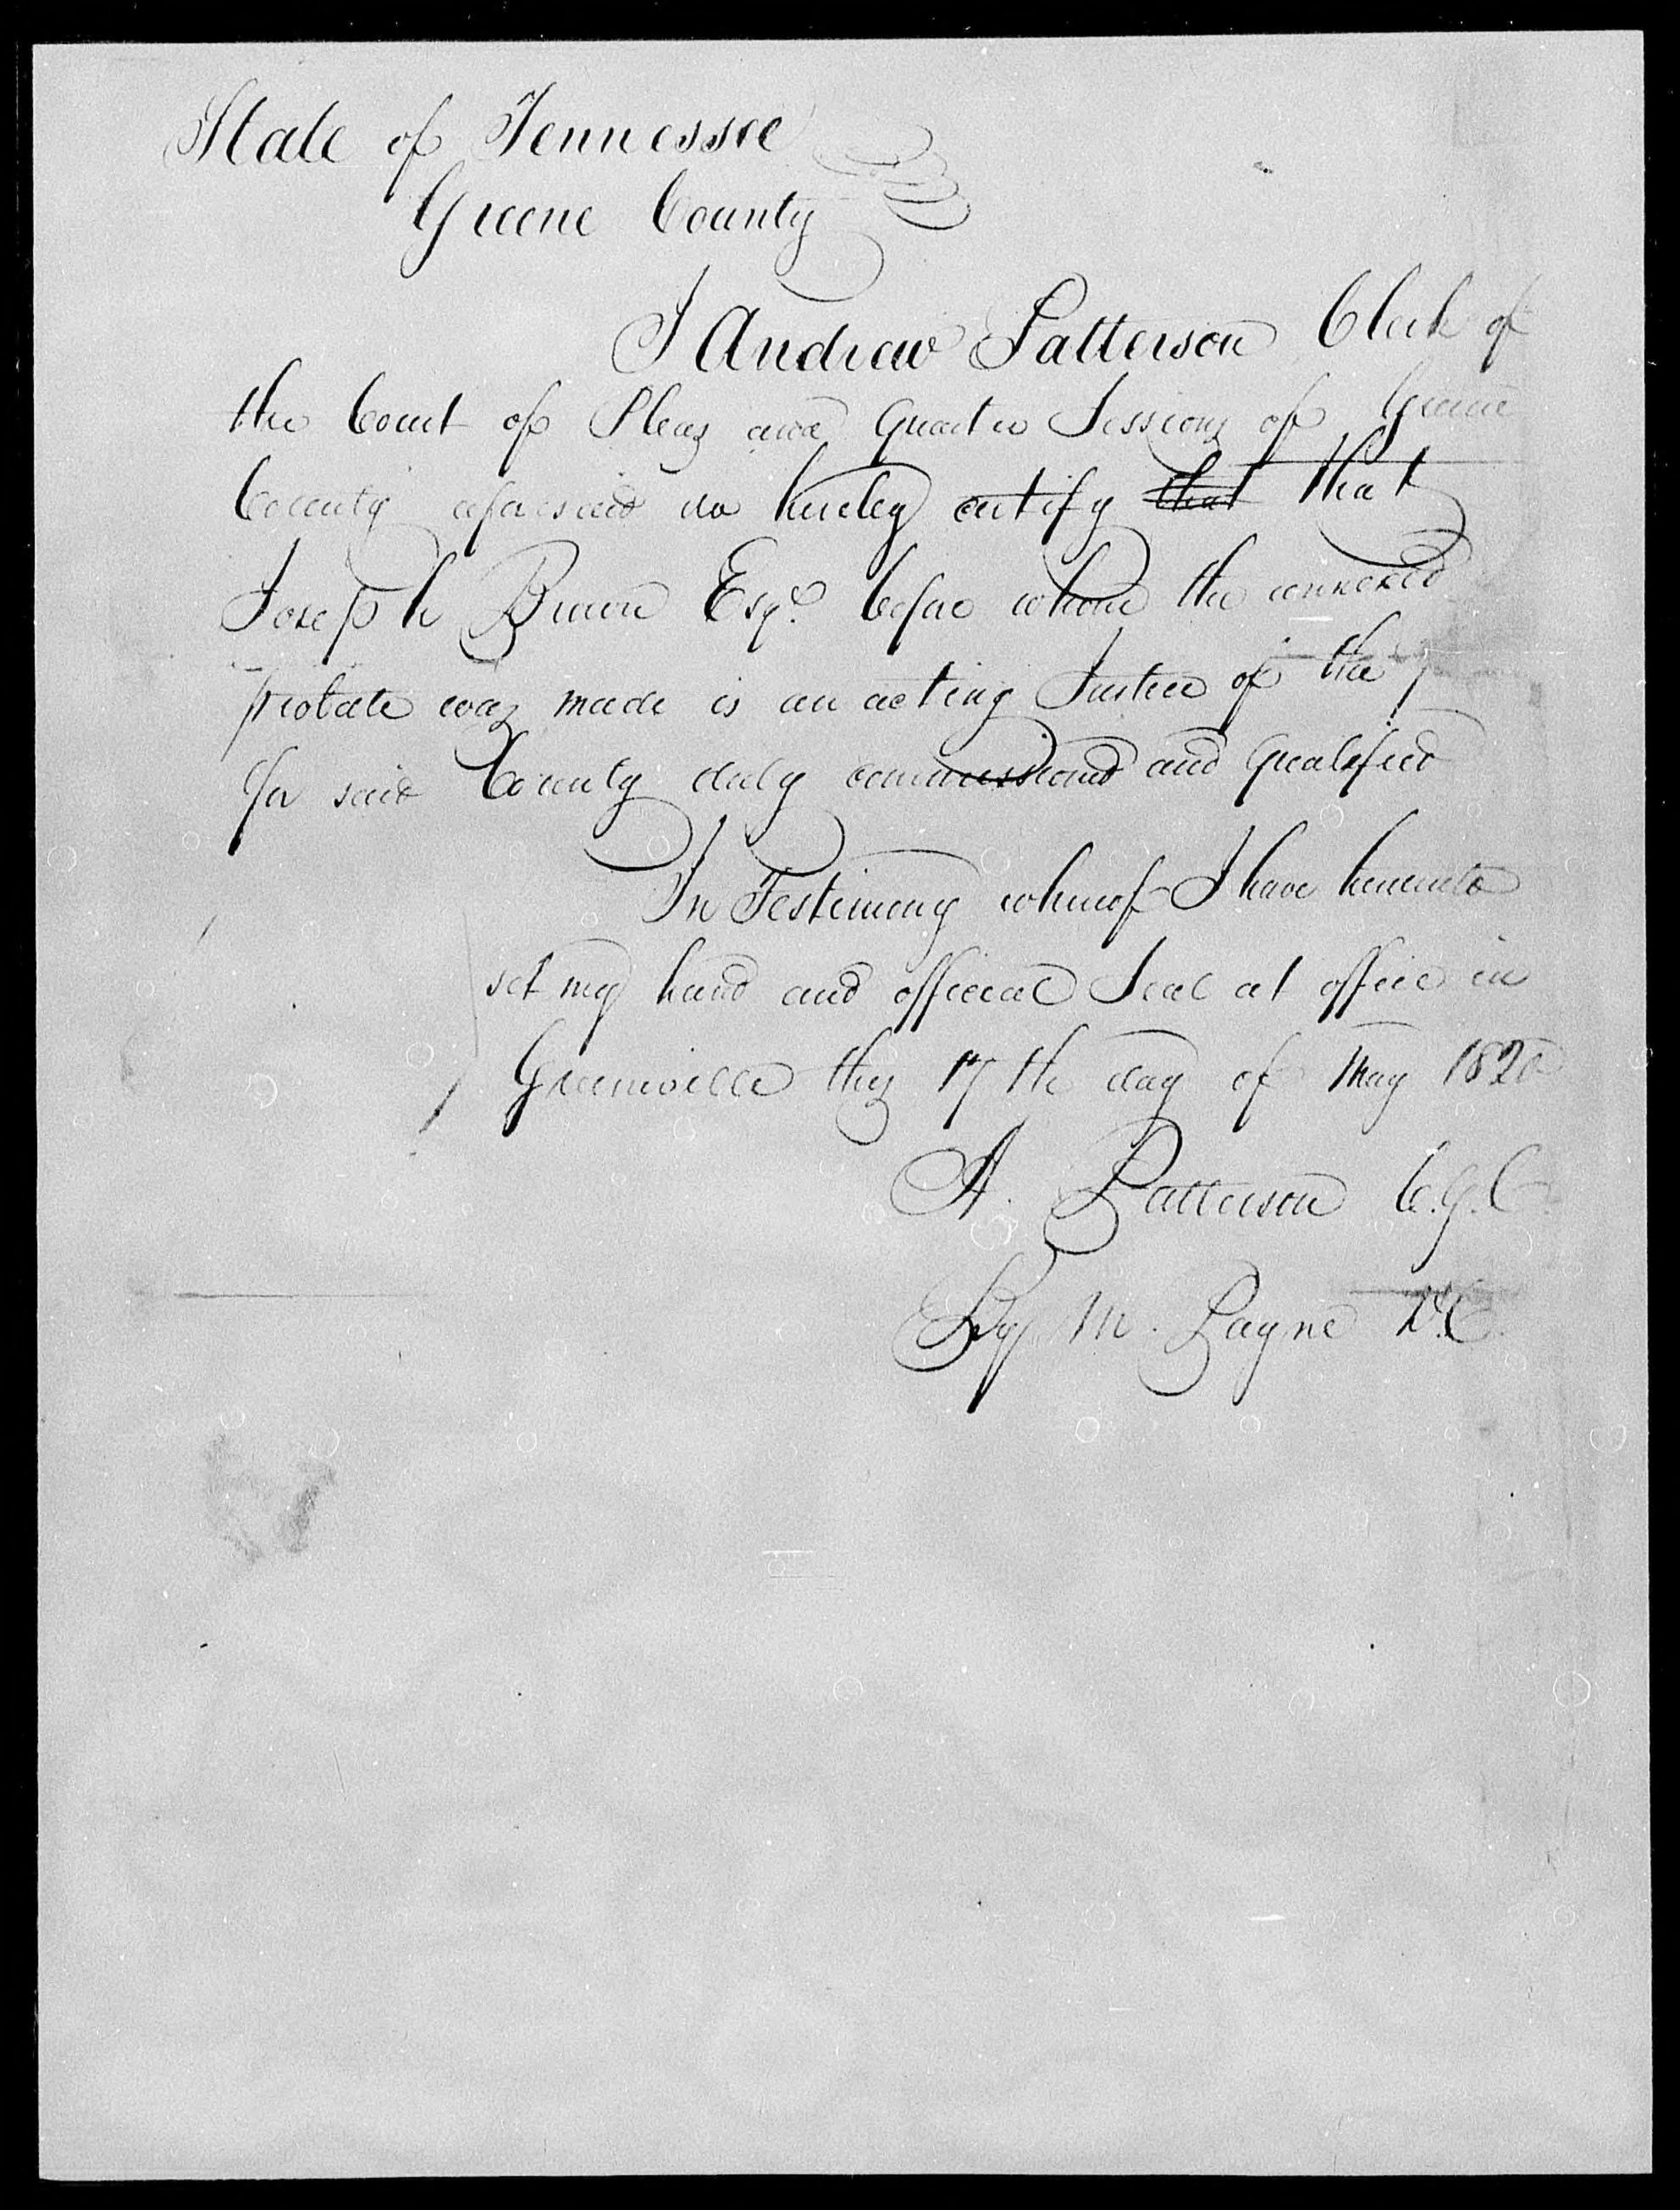State of Tennessee
Greene County
I Andrew Patterson Clerk of the Court of Pleas and Quarter Session of Greene County aforesaid do hereby certify [crossed out: that] that Joseph Brown Esq. before whom the annexed probate was made is an acting Justice of the [text missing] for said County duly commissioned and qualified
In Testimony whereof I have hereunto set my hand and official seal at office in Greeneville this 17th day of May 1820
A. Patterson C.G.C
By M Payne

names: Andrew Patterson; Joseph Brown; M Payne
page: 11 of 115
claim: survivor's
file: S. 699, for Charles Kilgore, Virginia